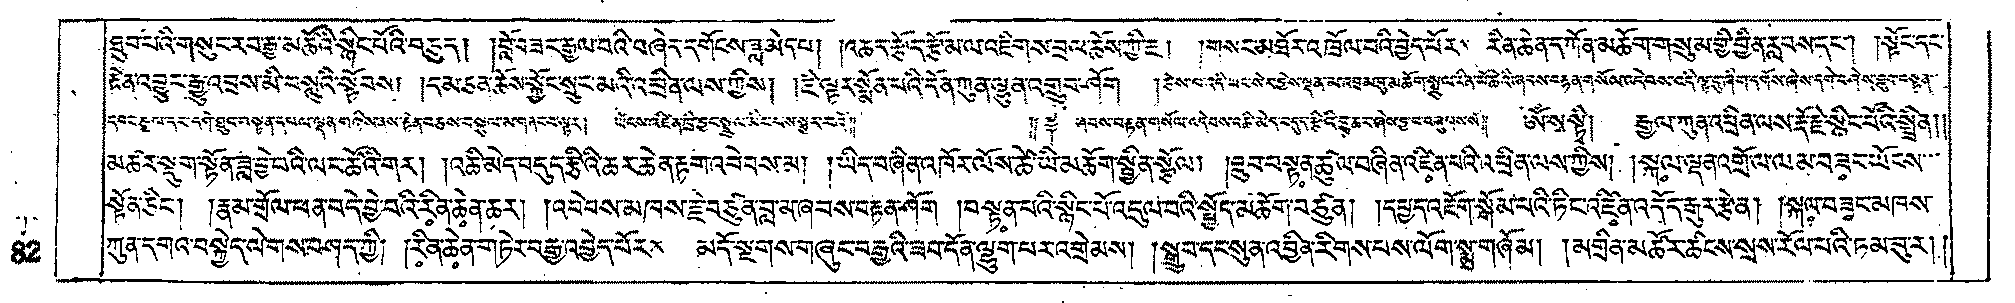ཐུབ་པའི་གསུང་རབ་རྒྱ་མཚོའི་སྙིང་པོའི་བཅུད། །བློ་བཟང་རྒྱལ་བའི་བཞེད་དགོངས་ཟླ་མེད་པ། །འཆད་རྩོད་རྩོམ་ལ་འཇིགས་བྲལ་ཆོས་ཀྱི་རྔ། །གསང་མཐོང་འཁྲོལ་བའི་བྱེད་པོར་྾་རིན་ཆེན་དཀོན་མཆོག་གསུམ་གྱི་བྱིན་རླབས་དང་། །སྟོང་དང་
རྟེན་འབྱུང་རྒྱུ་འབྲས་མི་བསླུའི་སྟོབས། །དམ་ཅན་ཆོས་སྐྱོང་སྲུང་མའི་འཕྲིན྾་ལས྾་ཀྱིས། །ཇི་ལྟར་སྨོན་པའི་དོན་ཀུན་ལྷུན་འགྲུབ་ཤོག །ཅེས་པ་འདི་ཡང་སེར་བྱེད་ལྡན་མ་འབྲམ་བུ་མཆོག་སྤྲུལ་རིན་པོ་ཆེའི་ཞབས་བརྟན་གསོལ་འདེབས་འདི་ལྟ་བུ་ཞིག་དགོས་ཞེས་དགེ་བཤེས་ཐུབ་བསྟན་་་
དབང་རྒྱལ་དང་དགེ་ཐུབ་བསྟན་དཔལ་ལྡན་གཉིས་ནས་རྟེན་བཅས་བསྐུལ་མ་གནང་བ་ལྟར། ཡོངས་འཛིན་ཁྲི་བྱང་སྤྲུལ་མིང་པས་སྦྱར་བའོ།། །། འ་ཞབས་བརྟེན་གསོལ་འདེབས་འཆི་མེད་བདུད་རྩིའི་གྲུ་ཆར་ཞེས་བྱ་བ་བཞུགས་སོ།། ཨོཾ་སྭསྟྭི། རྒྱལ་ཀུན་འཕྲིན་ལ་རྡོ་རྗེ་སྙིང་པོའི་སྤྲིན།།
མཚར་སྡུ་སྟོན་ཟླ་བྱེད་བའི་ལང་ཚོའི་གར། །འཆི་མེད་བདུད་རྩིའི་ཆར་ཆེན་འབེབས་མ། །ཡིད་བཞིན་འཁོར་ལོས་ཚེ་ཡི་མཆོག་སྦྱིན་སྩོལ། །ཐུབ་བསྟན྾་ཚུལ་བཞིན་འཛིན྾་པའི་འཕྲིན་ལས་ཀྱིས། །སྐལ྾་ལྡན་འགྲོ་ལ་ལམ་བཟང་ཡོངྶ་་་
སྟོན་ཅིང་། །རྣམ་གྲོལ་ཕན་བདེ་བྱེ་བའི་རིན྾་ཆེན྾་ཆར། །འབེབས་མཁས་རྗེ་བཙུན་བླ་མ་ཞབས་བརྟན་ཤོག །བསྟན྾་པའི་སྙིང་པོ་འདུལ་བའི་སྤྱོད་མཆོག་བཙུན། །དཔྱད་འཇོག་སྒོམ་པའི་ཏིང་འཛིན྾་འདོད་རྒྱུར་རྩེན། །སྐལ་བཟང྾་མཁས་
ཀུན་དགའ་བསྐྱེད་ལེགས་བཤད་ཀྱི། རིན྾་ཆེན྾་གཏེར་བརྒྱ་འབྱེད་པོར་྾་མདོ་སྔགས་གཞུང་བརྒྱའི་ཟབ་དོན་ལྷུག་པར་འགྲེམས། །སྒྲུབ་དང་སུན་འབྱིན་རིགས་པས་ལོག་སྨྲ་གཞོལ། །མགྲིན་མཚོར་ཚངས་སྲས་རོལ་པའི་ཏམ་བུ་ར། །